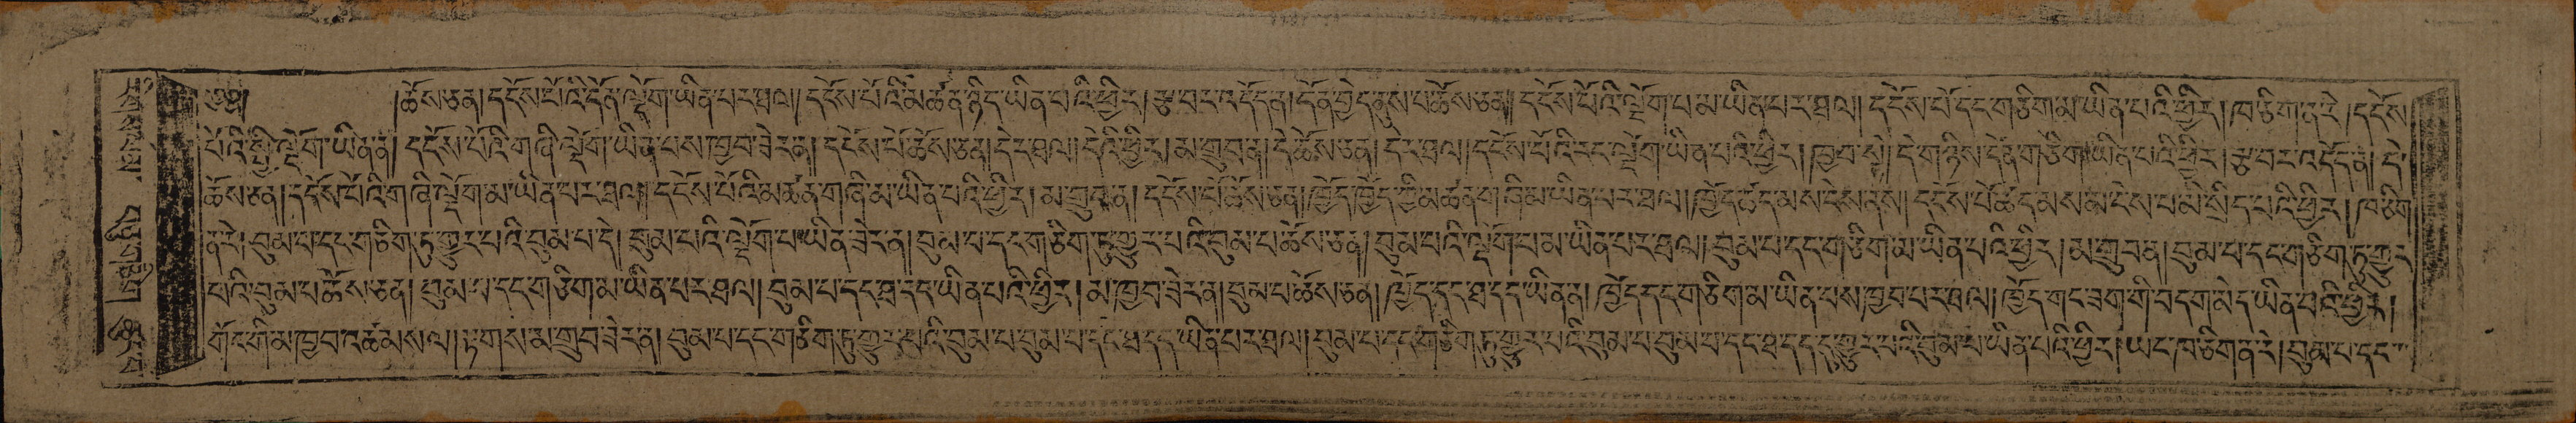༄༅། །ཆོས་ཅན། དངོས་པོའི་དོན་ལྡོག་ཡིན་པར་ཐལ། དངོས་པོའི་མཚན་ཉིད་ཡིན་པའི་ཕྱིར། རྩ་བར་འདོད་ན། དོན་བྱེད་ནུས་པ་ཆོས་ཅན། དངོས་པོའི་ལྡོག་པ་མ་ཡིན་པར་ཐལ། དངོས་པོ་དང་གཅིག་མ་ཡིན་པའི་ཕྱིར། ཁ་ཅིག་ན་རེ། དངོས་
པོའི་སྤྱི་ལྡོག་ཡིན་ན། དངོས་པོའི་གཞི་ལྡོག་ཡིན་པས་ཁྱབ་ཟེར་ན། དངོས་པོ་ཆོས་ཅན། དེར་ཐལ། དེའི་ཕྱིར། མ་གྲུབ་ན། དེ་ཆོས་ཅན། དེར་ཐལ། དངོས་པོའི་རང་ལྡོག་ཡིན་པའི་ཕྱིར། ཁྱབ་སྟེ། དེ་གཉིས་དོན་གཅིག་ཡིན་པའི་ཕྱིར། རྩ་བར་འདོད་ན། དེ་
ཆོས་ཅན། དངོས་པོའི་གཞི་ལྡོག་མ་ཡིན་པར་ཐལ། དངོས་པོའི་མཚན་གཞི་མ་ཡིན་པའི་ཕྱིར། མ་གྲུབ་ན། དངོས་པོ་ཆོས་ཅན། ཁྱོད་ཁྱོད་ཀྱི་མཚན་གཞི་མ་ཡིན་པར་ཐལ། ཁྱོད་ཚད་མས་ངེས་ནས། དངོས་པོ་ཚད་མས་མ་ངེས་པ་མི་སྲིད་པའི་ཕྱིར། ཁ་ཅིག་
ན་རེ། བུམ་པ་དང་གཅིག་ཏུ་གྱུར་པའི་བུམ་པ་དེ། བུམ་པའི་ལྡོག་པ་ཡིན་ཟེར་ན། བུམ་པ་དང་གཅིག་ཏུ་གྱུར་པའི་བུམ་པ་ཆོས་ཅན། བུམ་པའི་ལྡོག་པ་མ་ཡིན་པར་ཐལ། བུམ་པ་དང་གཅིག་མ་ཡིན་པའི་ཕྱིར། མ་གྲུབ་ན། བུམ་པ་དང་གཅིག་ཏུ་གྱུར་
པའི་བུམ་པ་ཆོས་ཅན། བུམ་པ་དང་གཅིག་མ་ཡིན་པར་ཐལ། བུམ་པ་དང་ཐ་དད་ཡིན་པའི་ཕྱིར། མ་ཁྱབ་ཟེར་ན། བུམ་པ་ཆོས་ཅན། ཁྱོད་དང་ཐ་དད་ཡིན་ན། ཁྱོད་དང་གཅིག་མ་ཡིན་པས་ཁྱབ་པར་ཐལ། ཁྱོད་གང་ཟག་གི་བདག་མེད་ཡིན་པའི་ཕྱིར།
གོང་གི་མ་ཁྱབ་འཚམས་ལ། རྟགས་མ་གྲུབ་ཟེར་ན། བུམ་པ་དང་གཅིག་ཏུ་གྱུར་པའི་བུམ་པ་བུམ་པ་དང་ཐ་དད་ཡིན་པར་ཐལ། བུམ་པ་དང་གཅིག་ཏུ་གྱུར་པའི་བུམ་པ་བུམ་པ་དང་ཐ་དད་དུ་གྱུར་པའི་བུམ་པ་ཡིན་པའི་ཕྱིར། ཡང་ཁ་ཅིག་ན་རེ། བུམ་པ་དང་